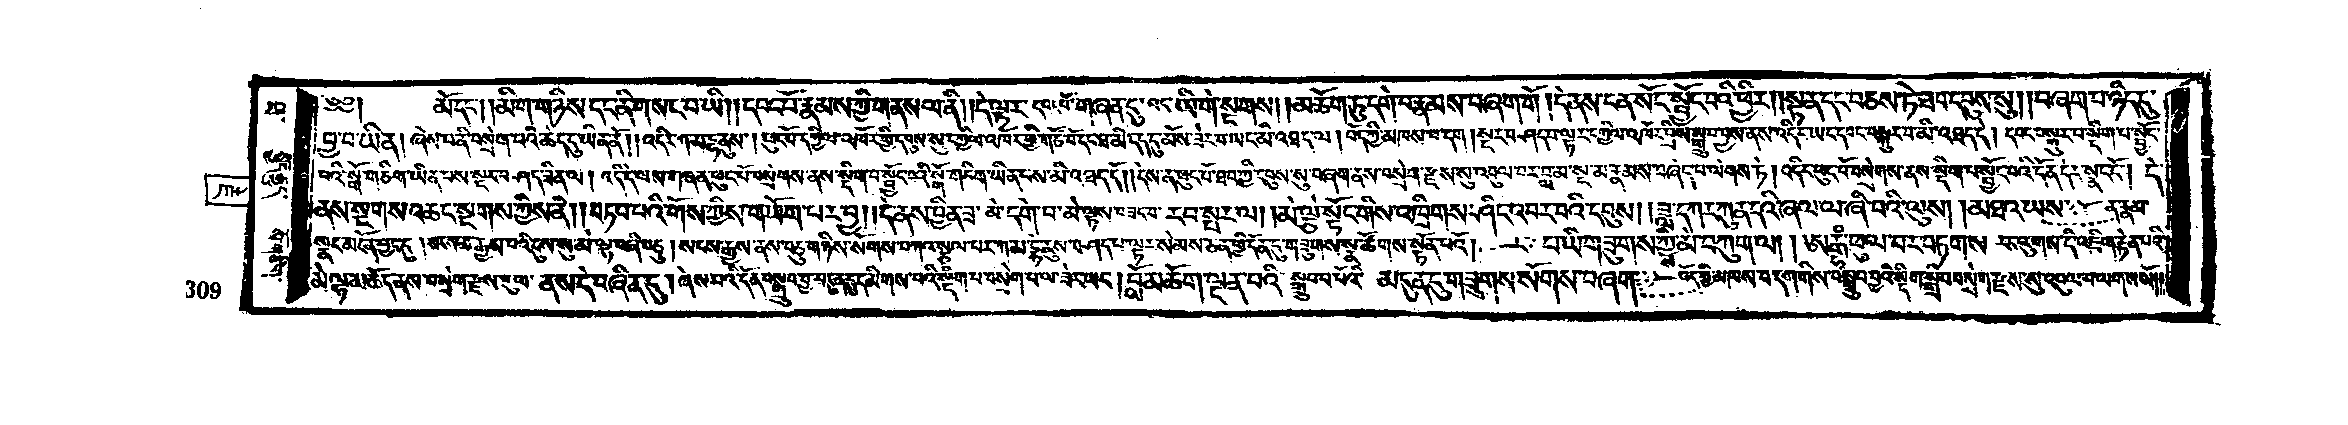༄༅། །མོ་དང་། །མིག་གཉིས་དང་ནི་གསང་བ་ཡི། །དབང་པོ་རྣམས་ཀྱི་གནས་ལ་ནི། །དེ་ལྟར་དབང་པོ་གཞན་དུ་འང་ཡི་གེ་སྔགས། །མཆོག་ཏུ་དགེ་བ་རྣམས་བཞག་གོ། དེ་ནས་ངན་སོང་སྦྱོང་བའི་ཕྱིར། །སྟན་དང་བཅས་ཏེ་ཐབ་དབུས་སུ། །བཞག་པ་ཉིད་དུ་
བྱ་བ་ཡིན། ཞེས་པ་ནི་བསྲེག་པའི་ཆེད་དུ་ཡིན་ནོ། །འདིར་ཀ་མ་དྷེ་ནུས། ཕུང་པོ་དཀྱིལ་འཁོར་གྱི་དབུས་སུ་དཀྱིལ་འཁོར་གྱི་གཙོ་བོ་དང་ཐ་མི་དད་དུ་མོས་ཟེར་བ་ཡང་མི་འཐད་ལ། བོད་ཀྱི་མཁས་པ་དག །སྔར་བཤད་པ་ལྟར་དཀྱིལ་འཁོར་བྲིས་སྒྲུབ་བྱས་ནས་འདིར་ཡང་དབང་བསྐུར་བ་མི་འཐད་དོ། དབང་བསྐུར་བ་སྡིག་པ་སྤྱོད་
བའི་སྒོ་གཅིག་ཡིན་པས་སྔར་བཤད་ཟིན་ལ། འདི་དེ་ལས་གཞན་ཕུང་པོ་བསྲེགས་ནས་སྡིག་པ་སྤྱོད་པའི་སྒོ་གཅིག་ཡིན་པས་མི་འཐད་དོ། །དེས་ན་ཕུང་པོ་ཐབ་ཀྱི་དབུས་སུ་བཞག་ནས་བསྲེག་རྫས་སུ་འབུལ་བར་བླ་མ་སྔ་མ་རྣམས་བཞེད་པ་ལེགས་ཏེ། འདིར་ཕུང་པོ་བསྲེགས་ནས་སྡིག་པ་སྤྱོད་པའི་དོན་དེར་སྣང་ངོ། དེ་
ནས་སྔགས་འཆང་སྔགས་ཀྱིས་ནི། །བཏབ་པའི་གོས་ཀྱིས་གཡོག་པར་བྱ། །དེ་ནས་བྱིན་ཟ་མི་དགེ་བ་མེ་ལྟས་བཟང་བ་རབ་སྦར་ལ། །མེ་ལྕེ་སྟོང་གིས་འཁྲིགས་ཤིང་འབར་བའི་དབུས། །ཟླ་དཀར་ཀུན་དའི་ཞལ་ལ་ཞི་བའི་ལུས། །མཐའ་ཡས་ན་རྣམ་
སྣང་མངོན་བྱང་དུ། སངས་མ་རྒྱས་པའི་དུས་སུ་མེ་ལྷ་བཞི་བཅུ། སངས་རྒྱས་ནས་བཅུ་གཉིས་སོགས་བཀའ་སྩལ་པར་ཀ་མ་དྷེ་ནུས་བཤད་པ་ལྟར་སེམས་ཅན་གྱི་དོན་དུ་གཟུགས་སྣ་ཚོགས་སྟོན་པའོ། པ་ཡི་གཟུགས་ཀྱིས་མི་བཀུག་ལ། །ཨརྒྷཾ་ཕུལ་བར་བཏགས་རང་ལུགས་ནི་འཇིག་རྟེན་པའི་
མེ་ལྷ་མཆོད་ནས་བསྲེག་རྫས་ཕུལ་ནས་དེ་བཞིན་དུ། ཞེས་པའི་དོན་བསྒྲུབ་བྱ་མདུན་དུ་དམིགས་པའི་སྡིག་པ་བསྲེག་པ་ལ་ཟེར་ཡང། བློ་མཆོག་ལྡན་པའི་སྒྲུབ་པ་པོའི་མདུན་དུ་གཟུགས་སོགས་བཞག་བོད་ཀྱི་མཁས་པ་དག་གིས་བསྒྲུབ་བྱའི་སྡིག་སྒྲིབ་བསྲེག་རྫས་སུ་འབུལ་བ་ལགས་སོ། །